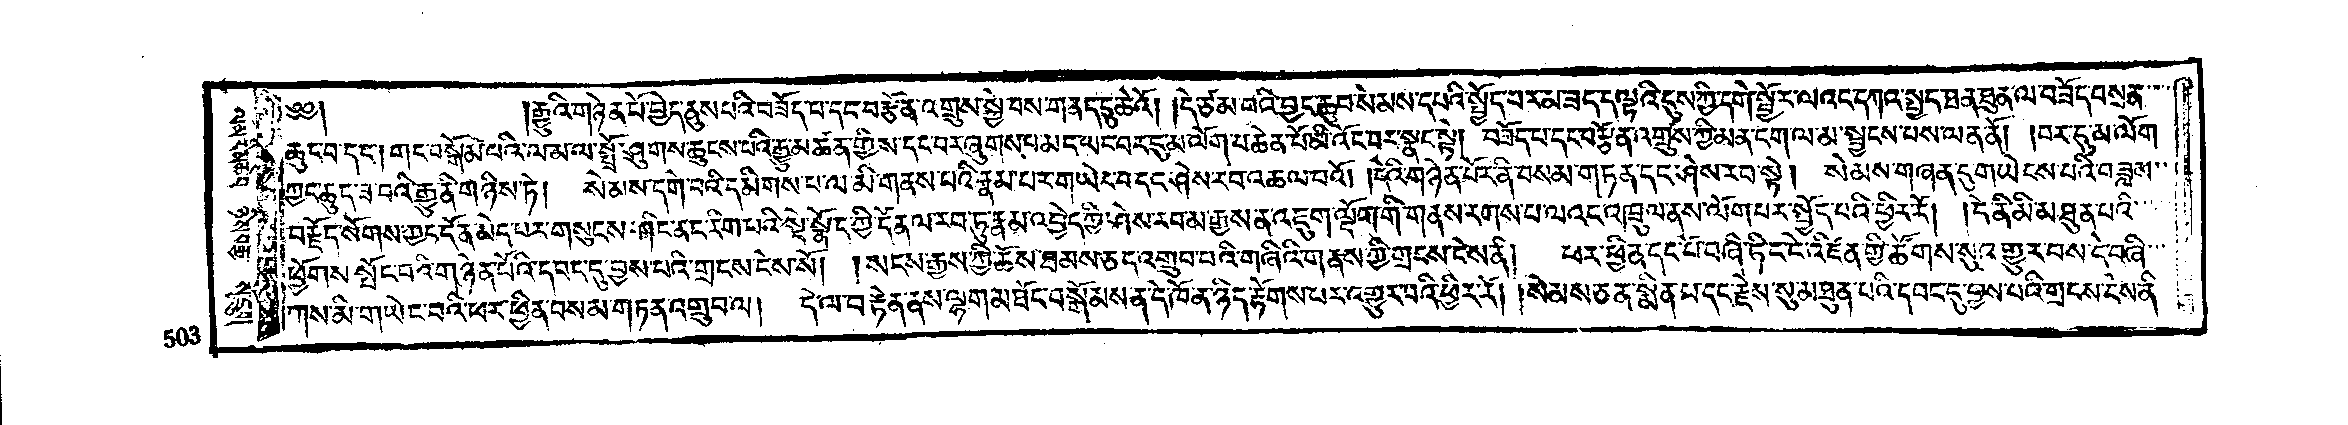༄༅། །རྒྱུའི་གཉེན་པོ་བྱེད་ནུས་པའི་བཟོད་པ་དང་བརྩོན་འགྲུས་སྐྱེ་བས་གནད་དུ་ཆེའོ། །དེ་ཙམ་པའི་བྱང་ཆུབ་སེམས་དཔའི་སྤྱོད་པར་མ་ཟད་ད་ལྟའི་དུས་ཀྱི་དགེ་སྦྱོར་ལའང་དཀའ་སྤྱད་ཐན་ཐུན་ལ་བཟོད་བསྲན་
ཆུང་བ་དང་། གང་བསྒོམ་པའི་ལམ་ལ་སྤྲོ་ཤུགས་ཆུངས་པའི་རྒྱུ་མཚན་གྱིས་དང་པོར་ཞུགས་པ་མང་ཡང་བར་དུ་མ་ལོག་པ་ཆེན་པོ་མི་འོང་བར་སྣང་སྟེ། བཟོད་པ་དང་བརྩོན་འགྲུས་ཀྱི་མན་ངག་ལ་མ་སྦྱངས་པས་ལན་ནོ། །བར་དུ་མ་ལོག་
ཀྱང་ཆུད་ཟ་བའི་རྒྱུ་ནི་གཉིས་ཏེ། སེམས་དགེ་བའི་དམིགས་པ་ལ་མི་གནས་པའི་རྣམ་པར་གཡེང་བ་དང་ཤེས་རབ་འཆལ་བའོ། །དེའི་གཉེན་པོར་ནི་བསམ་གཏན་དང་ཤེས་རབ་སྟེ། སེམས་གཞན་དུ་གཡེངས་བའི་བཟླས་
བརྗོད་སོགས་ཀྱང་དོན་མེད་པར་གསུངས་ཤིང་ནང་རིག་པའི་སྡེ་སྣོད་ཀྱི་དོན་ལ་རབ་ཏུ་རྣམ་འབྱེད་ཀྱི་ཤེས་རབ་མ་རྒྱས་ན་འཇུག་ལྡོག་གི་གནས་རགས་པ་ལའང་འཁྲུལ་ནས་ལོག་པར་སྤྱོད་པའི་ཕྱིར་རོ། །དེ་ནི་མི་མཐུན་པའི་
ཕྱོགས་སྤོང་བའི་གཉེན་པོའི་དབང་དུ་བྱས་པའི་གྲངས་ངེས་སོ། །སངས་རྒྱས་ཀྱི་ཆོས་ཐམས་ཅད་འགྲུབ་པའི་གཞིའི་གནས་ཀྱི་གྲངས་ངེས་ནི། ཕར་ཕྱིན་དང་པོ་བཞི་ཏིང་ངེ་འཛིན་གྱི་ཚོགས་སུ་འགྱུར་བས་དེ་བཞི་
ཀས་མི་གཡེང་བའི་ཕར་ཕྱིན་བསམ་གཏན་འགྲུབ་ལ། དེ་ལ་བརྟེན་ནས་ལྷག་མཐོང་བསྒོམས་ན་དེ་ཁོ་ན་ཉིད་རྟོགས་པར་འགྱུར་བའི་ཕྱིར་རོ། །སེམས་ཅན་སྨིན་བ་དང་རྗེས་སུ་མཐུན་པའི་དབང་དུ་བྱས་པའི་གྲངས་ངེས་ནི།